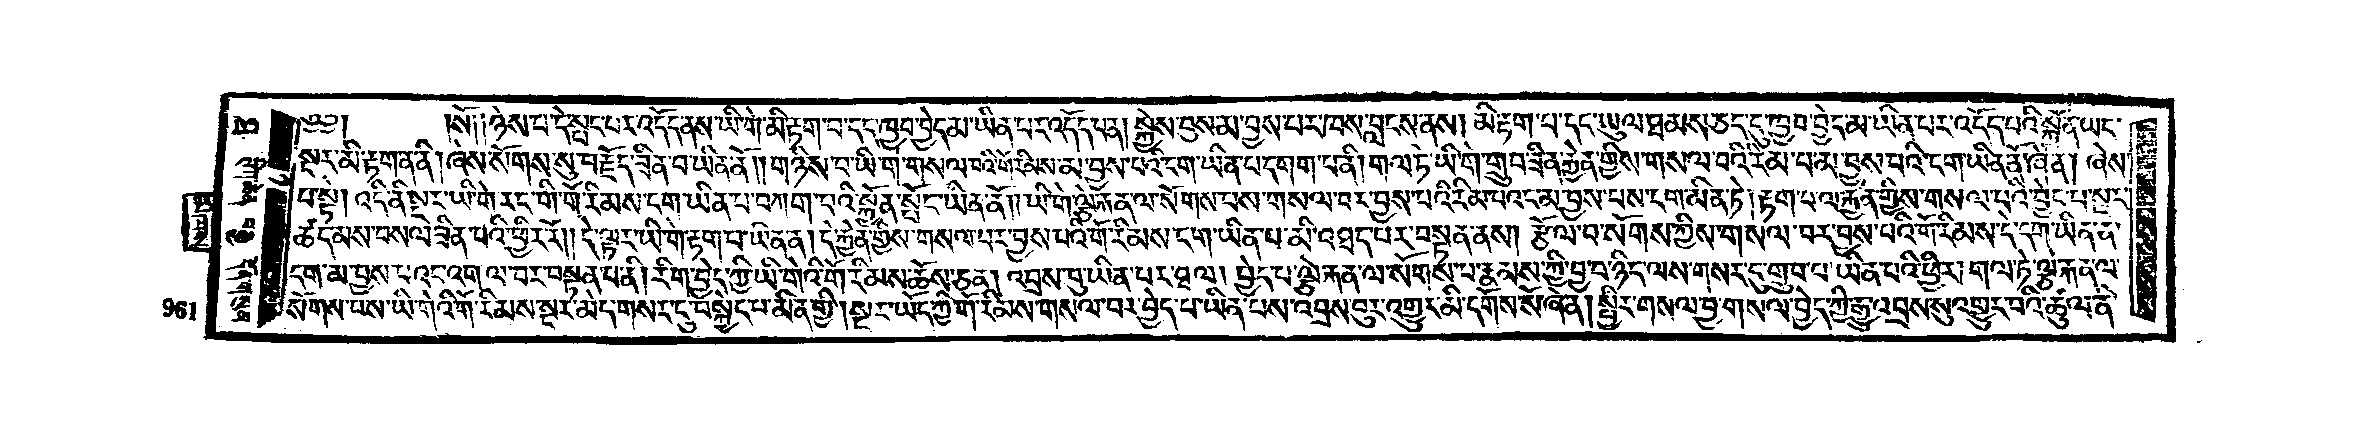༄༅། །སོ། །ཉེས་པ་དེ་སྤང་པར་འདོད་ནས་ཡི་གེ་མི་རྟག་པ་དང་ཁྱབ་བྱེད་མ་ཡིན་པར་འདོད་པ་ན། སྐྱེས་བུས་མ་བྱས་པར་ཁས་བླངས་ནས། མི་རྟག་པ་དང་ཡུལ་ཐམས་ཅད་དུ་ཁྱབ་བྱེད་མ་ཡིན་པར་འདོད་པའི་སྐྱོན་ཡང་
སྔར་མི་རྟག་ན་ནི། ཞེས་སོགས་སུ་བརྗོད་ཟིན་པ་ཡིན་ནོ། །གཉིས་པ་ཡི་གེ་གསལ་བའི་གོ་རིམས་མ་བྱས་པའི་ངག་ཡིན་པ་དགག་པ་ནི། གལ་ཏེ་ཡི་གེ་གྲུབ་ཟིན་རྐྱེན་གྱིས་གསལ་བའི་རིམ་པ་མ་བྱས་པའི་ངག་ཡིན་ནོ་ཞེ་ན། ཞེས་
པ་སྟེ། འདི་ནི་སྔར་ཡི་གེ་རང་གི་གོ་རིམས་ངག་ཡིན་པ་བཀག་པའི་སྐྱོན་སྤོང་ཡིན་ནོ། །ཡི་གེ་ལྕེ་རྐན་ལ་སོགས་པས་གསལ་བར་བྱས་པའི་རིམ་པའང་མ་བྱས་པས་ངག་མིན་ཏེ། རྟག་པ་ལ་རྐྱེན་གྱིས་གསལ་པའི་བྱེད་པ་སྔར་
ཚད་མས་བསལ་ཟིན་པའི་ཕྱིར་རོ། དེ་ལྟར་ཡི་གེ་རྟག་པ་ཡིན་ན། དེ་རྐྱེན་གྱིས་གསལ་བར་བྱས་པའི་གོ་རིམས་ངག་ཡིན་པ་མི་འཐད་པར་བསྟན་ནས། རྩོལ་བ་སོགས་ཀྱིས་གསལ་བར་བྱས་པའི་གོ་རིམས་དེ་དག་ཡིན་ན་
ངག་མ་བྱས་པའང་འགལ་བར་བསྟན་པ་ནི། རིག་བྱེད་ཀྱི་ཡི་གེའི་གོ་རིམས་ཆོས་ཅན། འབྲས་བུ་ཡིན་པར་ཐལ། བྱེད་པ་ལྕེ་རྐན་ལ་སོགས་པ་རྣམས་ཀྱི་བྱ་བ་ཉིད་ལས་གསར་དུ་གྲུབ་པ་ཡིན་པའི་ཕྱིར། གལ་ཏེ་ལྕེ་རྐན་ལ་
སོགས་པས་ཡི་གེའི་གོ་རིམས་སྔར་མེད་གསར་དུ་བསྐྱེད་པ་མིན་གྱི། སྔར་ཡོད་ཀྱི་གོ་རིམས་གསལ་བར་བྱེད་པ་ཡིན་པས་འབྲས་བུར་འགྱུར་མི་དགོས་སོ་ཞེ་ན། སྤྱིར་གསལ་བྱ་གསལ་བྱེད་ཀྱི་རྒྱུ་འབྲས་སུ་འགྱུར་བའི་ཚུལ་ནི་